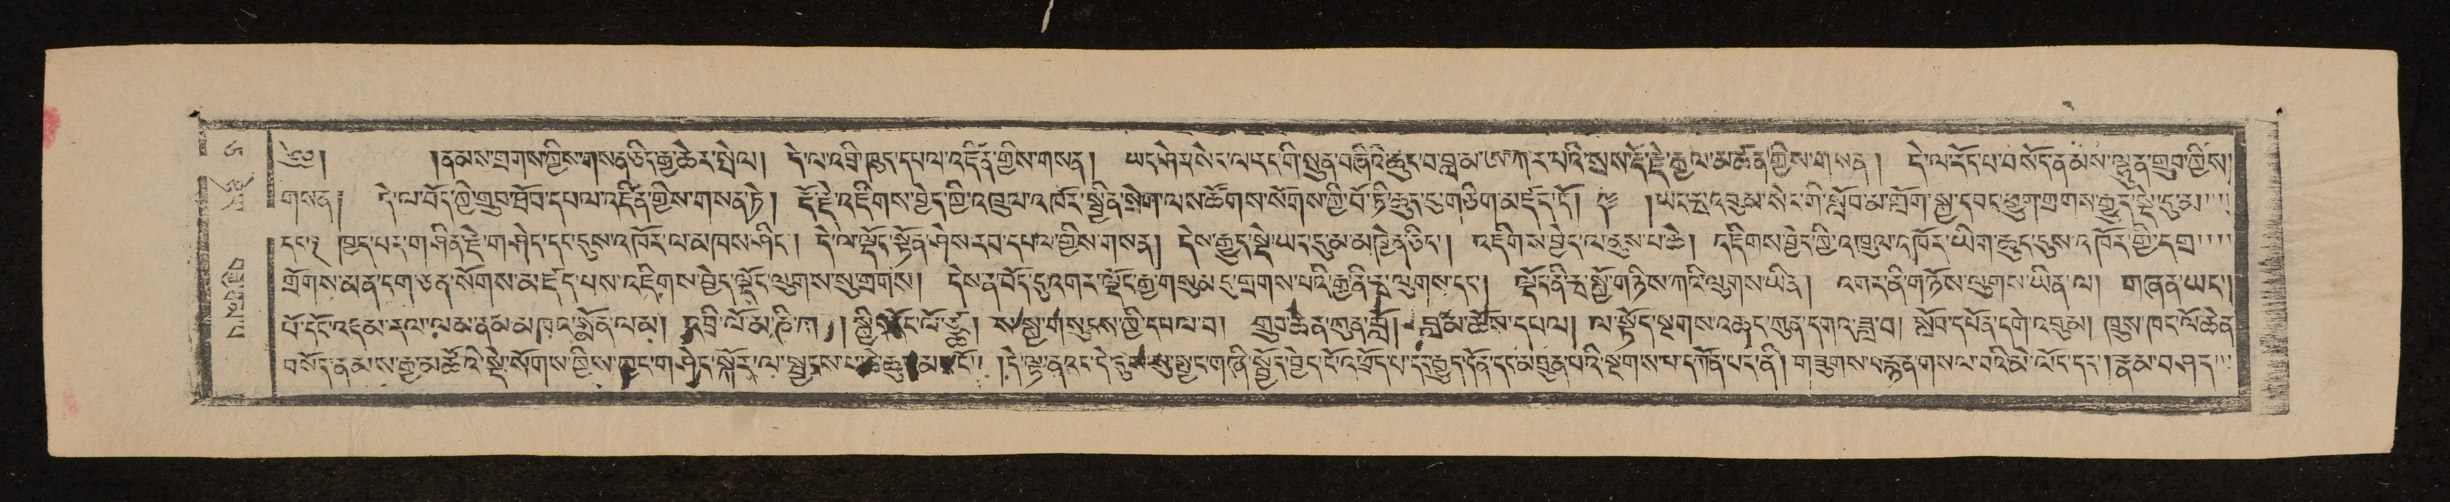༄༅། །ནམས་གྲགས་ཀྱིས་གསན་ཅིང་རྒྱ་ཆེར་སྤེལ། དེ་ལ་འབྲི་ཁུང་དཔལ་འཛིན་གྱིས་གསན། ཡང་ཤེར་སེང་ལ་རང་གི་སྤུན་བཞིའི་ཆུང་བ་བླ་མ་ཨ་ཀར་པའི་སྲས་རྡོ་རྗེ་རྒྱལ་མཚན་གྱིས་གསན། དེ་ལ་རོང་པ་བསོད་ནམས་ལྷུན་གྲུབ་
ཀྱིས་གསན། དེ་ལ་བོད་ཀྱི་གྲུབ་ཐོབ་དཔལ་འཛིན་གྱིས་གསན་ཏེ། རྡོ་རྗེ་འཇིགས་བྱེད་ཀྱི་འཁྲུལ་འཁོར་སྦྱིན་སྲེག་ལས་ཚོགས་སོགས་ཀྱི་པོ་ཏི་ཆུང་ངུ་གཅིག་མཛད་དོ། ༈ །ཡང་རྭ་འབུམ་སེང་གེ་སློབ་མ་གློག་སྐྱ་དབང་ཕྱུག་གྲགས་རྒྱུད་སྡེ་དུ་མ་
དང༑ ཁྱད་པར་གཤིན་རྗེ་གཤེད་དང་དུས་འཁོར་ལ་མཁས་ཤིང་། དེ་ལ་ལྡོང་སྟོན་ཤེས་རབ་དཔལ་གྱིས་གསན། དེས་རྒྱུད་སྡེ་ཡང་དུ་མ་མཁྱེན་ཅིང་། འཇིགས་བྱེད་ལ་ནུས་པ་ཆེ། འཇིགས་བྱེད་ཀྱི་འཁྲུལ་འཁོར་ཡིག་ཆུང་དུས་འཁོར་གྱི་
དགྲ་གྲོགས་མན་ངག་ཅན་སོགས་མཛད་པས་འཇིགས་བྱེད་ལྡོང་ལུགས་སུ་གྲགས། དེས་ན་བོད་དུ་འགར་ལྡོང་རྒྱ་གསུམ་དུ་གྲགས་པའི་རྒྱ་ནི་རྭ་ལུགས་དང་། ལྡོང་ནི་རྭ་སྐྱོ་གཉིས་ཀའི་ལུགས་ཡིན། འགར་ནི་གཉོས་ལུགས་ཡིན་ལ། གཞན་ཡང་
བོ་དོང་འཇམ་རལ་ལམ་ནམ་མཁའ་སྨོན་ལམ། འབྲི་ལོ་མ་ཎི་ཀ །སྐྱིད་རོང་ལོཙྪ། ས་སྐྱ་གསུངས་ཀྱི་དཔལ་བ། གྲུབ་ཆེན་ཀུན་བློ། བླ་མ་ཆོས་དཔལ། ལ་སྟོད་སྔགས་འཆང་ཀུན་དགའ་ཟླ་བ། སློབ་དཔོན་དགེ་འབུམ། ཁྲུས་ཁང་ལོ་ཆེན་བསོད་
ནམས་རྒྱ་མཚོའི་སྡེ་སོགས་ཀྱིས་ཀྱང་གཤེད་སྐོར་ལ་སྦྱངས་པ་ཆེ་ཆུང་མང་ངོ། །དེ་ལྟ་ནའང་དེ་དུས་སུ་སྦྱང་གཞི་སྦྱོང་བྱེད་དོ་འཕྲོད་པ་དང་རྒྱུད་དོན་དང་མཐུན་པའི་སྔགས་པ་དཀོན་པར་ནི། གཟུགས་བརྙན་གསལ་བའི་མེ་ལོང་དང་། རྣམ་བཤད་